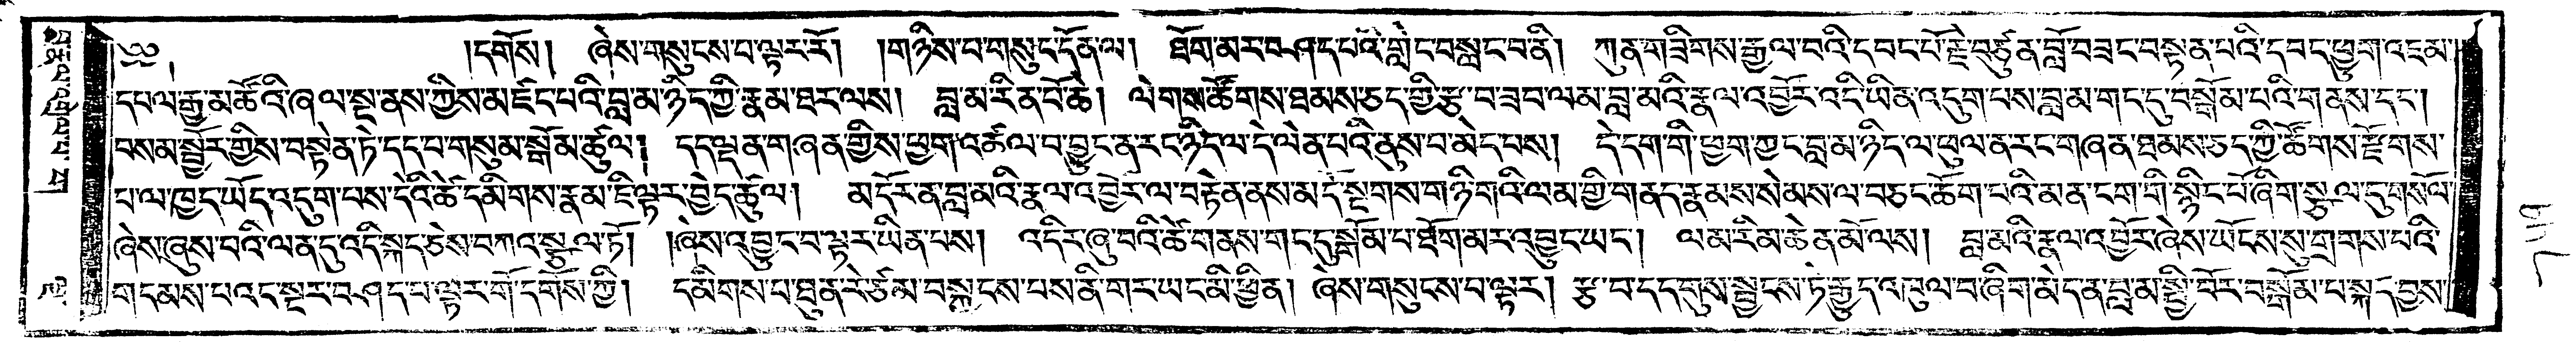༄༅། །དགོས། ཞེས་གསུངས་པ་ལྟར་རོ། །གཉིས་པ་གསུང་དོན་ལ། ཐོག་མར་བཤད་པའི་གླེང་བསླང་བ་ནི། ཀུན་གཟིགས་རྒྱལ་བའི་དབང་པོ་རྗེ་བཙུན་བློ་བཟང་བསྟན་པའི་དབང་ཕྱུག་འཇམ་
དཔལ་རྒྱ་མཚོའི་ཞལ་སྔ་ནས་ཀྱིས་མཛད་པའི་བླ་མ་ཉིད་ཀྱི་རྣམ་ཐར་ལས། བླ་མ་རིན་པོ་ཆེ། ལེགས་ཚོགས་ཐམས་ཅད་གྱི་རྩ་བ་ཟབ་ལམ་བླ་མའི་རྣལ་འབྱོར་འདི་ཡིན་འདུག་པས་བླ་མ་གང་དུ་བསྒོམ་པའི་གནས་དང་།
བསམ་སྦྱོར་གྱིས་བསྟེན་ཏེ་དད་པ་གསུམ་སྒོམ་ཚུལ། དད་ལྡན་གཞན་གྱིས་ཕྱག་འཚལ་བ་བྱུང་ན་རང་ཉིད་ལ་དེ་ལེན་པའི་ནུས་པ་མེད་པས། དེ་དག་གི་ཕྱག་ཀྱང་བླ་མ་ཉིད་ལ་ཕུལ་ན་རང་གཞན་ཐམས་ཅད་ཀྱི་ཚོགས་རྫོགས་
པ་ལ་ཁྱད་ཡོད་འདུག་པས་དེའི་ཚེ་དམིགས་རྣམ་ཇི་ལྟར་བྱེད་ཚུལ། མདོར་ན་བླ་མའི་རྣལ་འབྱོར་ལ་བརྟེན་ནས་མདོ་སྔགས་གཉི་གའི་ལམ་གྱི་གནད་རྣམས་སེམས་ལ་བཅང་ཆོག་པའི་མན་ངག་གི་སྙིང་པོ་ཞིག་སྩལ་དུ་གསོལ་
ཞེས་ཞུས་པའི་ལན་དུ་འདི་སྐད་ཅེས་བཀའ་སྩལ་ཏོ། །ཞེས་འབྱུང་བ་ལྟར་ཡིན་པས། འདིར་ཞུ་བའི་ཚེ་གནས་གང་དུ་སྒོམ་པ་ཐོག་མར་འབྱུང་ཡང་། ལམ་རིམ་ཆེན་མོ་ལས། བླ་མའི་རྣལ་འབྱོར་ཞེས་ཡོངས་སུ་གྲགས་པའི་
གདམས་པའང་སྔར་བཤད་པ་ལྟར་གོ་དགོས་ཀྱི། དམིགས་པ་ཐུན་རེ་ཙམ་བསྐྱངས་པས་ནི་གར་ཡང་མི་ཕྱིན། ཞེས་གསུངས་པ་ལྟར། རྩ་བ་དད་གུས་སྦྱངས་ཏེ་རྒྱུད་འཁུལ་བ་ཞིག་མེད་ན་བླ་མ་སྤྱི་བོར་བསྒོམ་པ་སྐད་བྱས་